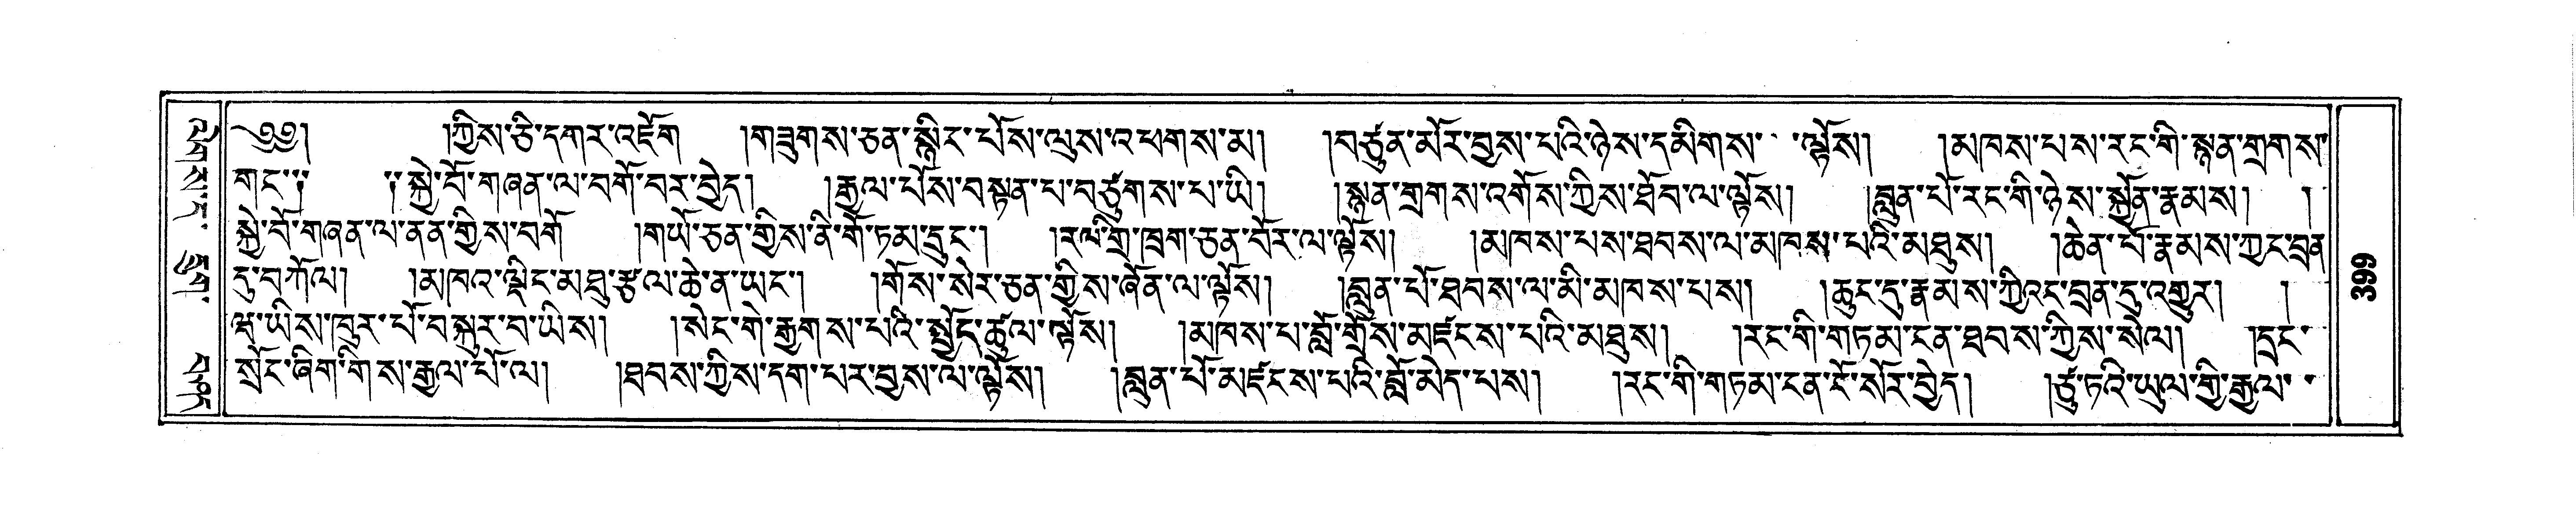༄༅། །ཀྱིས་ཅི་དཀར་འཇོག །གཟུགས་ཅན་སྙིང་པོས་ལུས་འཕགས་མ། །བཙུན་མོར་བྱས་པའི་ཉེས་དམིགས་ལྟོས། །མཁས་པས་རང་གི་སྙན་གྲགས་
གང༑ ༑སྐྱེ་བོ་གཞན་ལ་བགོ་བར་བྱེད། །རྒྱལ་པོས་བསྟན་པ་བཙུགས་Vཔ་ཡི། །སྙན་གྲགས་འགོས་ཀྱིས་ཐོབ་ལ་ལྟོས། །བླུན་པོ་རང་གི་ཉེས་སྐྱོན་རྣམས། །
སྐྱེ་བོ་གཞན་ནན་གྱིས་བགོ །གཡོ་ཅན་གྱིས་ནི་གོ་ཏམ་དྲུང་། །རལ་གྲི་ཁར་ཅན་བོར་ལ་ལྟོས། །མཁས་པས་ཐབས་ལ་མཁས་པའི་མཐུས། །ཆེན་པོ་རྣམས་ཀྱང་བྲན་
དུ་བཀོད། །མཁའ་ལྡིང་མཐུ་རྩ་ལ་ཆེ་ན་ཡང་། །གོས་སེར་ཅན་གྱིས་ཞོལ་ལ་ལྟོས། །བླུན་པོ་ཐབས་ལ་མི་མཁས་པས། །ཆུང་དུ་རྣམས་ཀྱིའང་བྲན་དུ་འགྱུར། །
ཝ་ཡིས་ཁུར་པོ་བསྐུར་བ་ཡིས། །སེང་གེ་རྒྱགས་པའི་སྤྱོད་ཚུལ་ལྟོས། །མཁས་པ་བློ་གྲོས་མཛངས་པའི་མཐུས། །རང་གི་གཏམ་ངན་ཐབས་ཀྱིས་སེལ། །དྲང་
སྲོང་ཞིག་གིས་རྒྱལ་པོ་ལ། །ཐབས་ཀྱིས་དག་པར་བྱས་ལ་ལྟོས། །བླུན་པོ་མཛངས་པའི་བློ་མེད་པས། །རང་གི་གཏམ་ངན་ངོ་སོར་བྱེད། །ཙུ་ཏའི་ཡུལ་གྱི་རྒྱལ་